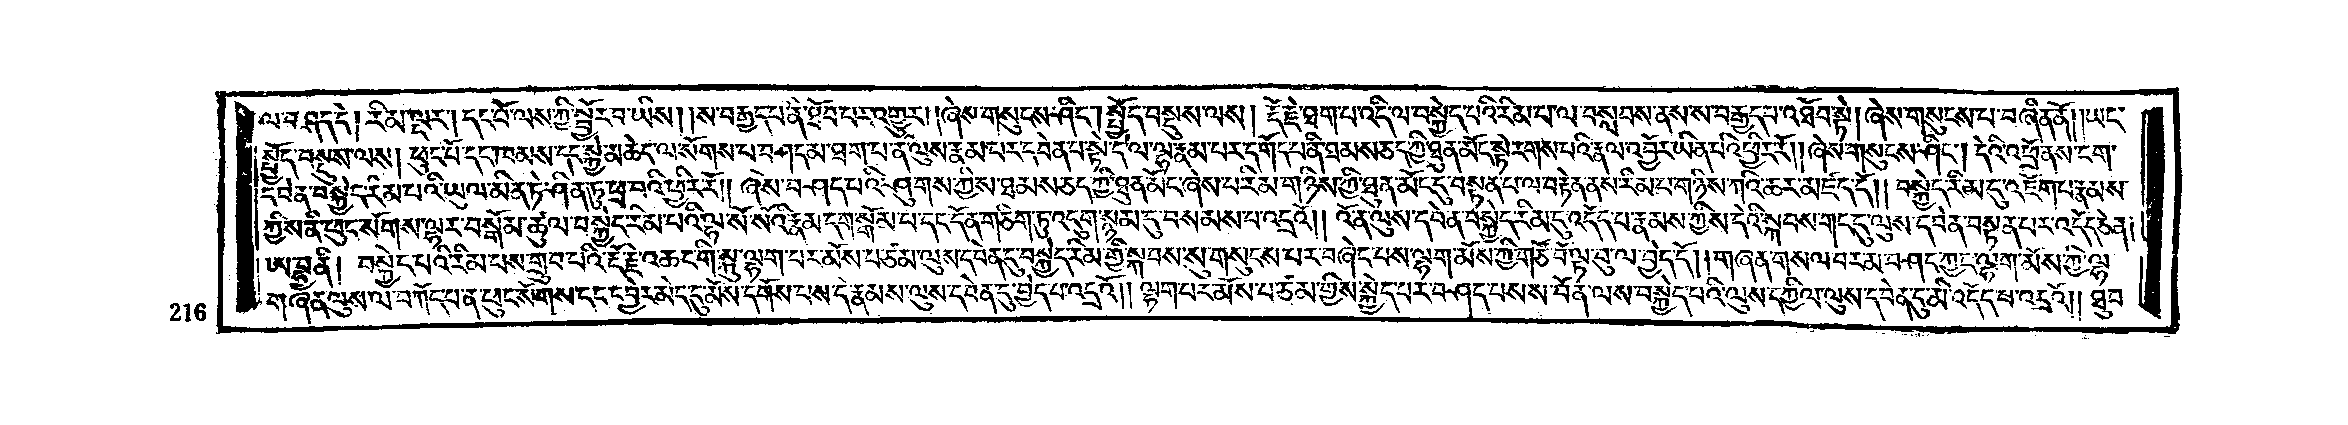ལ་བཤད་དེ། རིམ་ལྔར། དང་པོ་ལས་ཀྱི་སྦྱོར་བ་ཡིས། །ས་བརྒྱད་པ་ནི་ཐོབ་པར་འགྱུར། །ཞེས་གསུངས་ཤིང་། སྤྱོད་བསྡུས་ལས། རྡོ་རྗེ་ཐེག་པ་འདི་ལ་བསྐྱེད་པའི་རིམ་པ་ལ་བསླབས་ནས་ས་བརྒྱད་པ་འཐོབ་སྟེ། ཞེས་གསུངས་པ་བཞིན་ནོ། །ཡང་
སྤྱོད་བསྡུས་ལས། ཕུང་པོ་དང་ཁམས་དང་སྐྱེ་མཆེད་ལ་སོགས་པ་བཤད་མ་ཐག་པ་ནི་ལུས་རྣམ་པར་དབེན་པ་སྟེ་དེ་ལ་ལྷ་རྣམ་པར་དགོད་པ་ནི་ཐམས་ཅད་ཀྱི་ཐུན་མོང་སྟེ་རགས་པའི་རྣལ་འབྱོར་ཡིན་པའི་ཕྱིར་རོ། །ཞེས་གསུངས་ཤིང་། དེའི་འཕྲོ་ནས་ངག་
དབེན་བསྐྱེད་རིམ་པའི་ཡུལ་མིན་ཏེ་ཤིན་ཏུ་ཕྲ་བའི་ཕྱིར་རོ། །ཞེས་བཤད་པའི་ཤུགས་ཀྱིས་ཐམས་ཅད་ཀྱི་ཐུན་མོང་ཞེས་པ་རིམ་གཉིས་ཀྱི་ཐུན་མོང་དུ་བསྟན་པ་ལ་བརྟེན་ནས་རིམ་པ་གཉིས་ཀའི་ཆར་མཛད་དོ། །བསྐྱེད་རིམ་དུ་འཇོག་པ་རྣམས་
ཀྱིས་ནི་ཕུང་སོགས་ལྷར་བསྒོམ་ཚུལ་བསྐྱེད་རིམ་པའི་ལྷ་སོ་སོའི་རྣམ་དག་སྒོམ་པ་དང་དོན་གཅིག་ཏུ་འདུག་སྙམ་དུ་བསམས་པ་འདྲའོ། །འོ་ན་ལུས་དབེན་བསྐྱེད་རིམ་དུ་འདོད་པ་རྣམས་ཀྱིས་དེའི་སྐབས་གང་དུ་ལུས་དབེན་བསྟན་པར་འདོད་ཅེ་ན།
ཨ་བྷྱ་ནི། བསྐྱེད་པའི་རིམ་པས་གྲུབ་པའི་རྡོ་རྗེ་འཆང་གི་སྐུ་ལྷག་པར་མོས་པ་ཙམ་ལུས་དབེན་དུ་བསྐྱེད་རིམ་གྱི་སྐབས་སུ་གསུངས་པར་བཞེད་པས་ལྷག་མོས་ཀྱི་གཙོ་བོ་ལྟ་བུ་ལ་བྱེད་དོ། །གཞན་གསལ་བར་མ་བཤད་ཀྱང་ལྷག་མོས་ཀྱི་ལྷ་
གཞན་ལུས་ལ་བཀོད་པ་ན་ཕུང་སོགས་དང་དབྱེར་མེད་དུ་མོས་དགོས་པས་དེ་རྣམས་ལུས་དབེན་དུ་བྱེད་པ་འདྲའོ། །ལྷག་པར་མོས་པ་ཙམ་གྱིས་སྐྱེད་པར་བཤད་པས་ས་བོན་ལས་བསྐྱེད་པའི་ལུས་དཀྱིལ་ལུས་དབེན་དུ་མི་འདོད་པ་འདྲའོ། །ཐུབ་